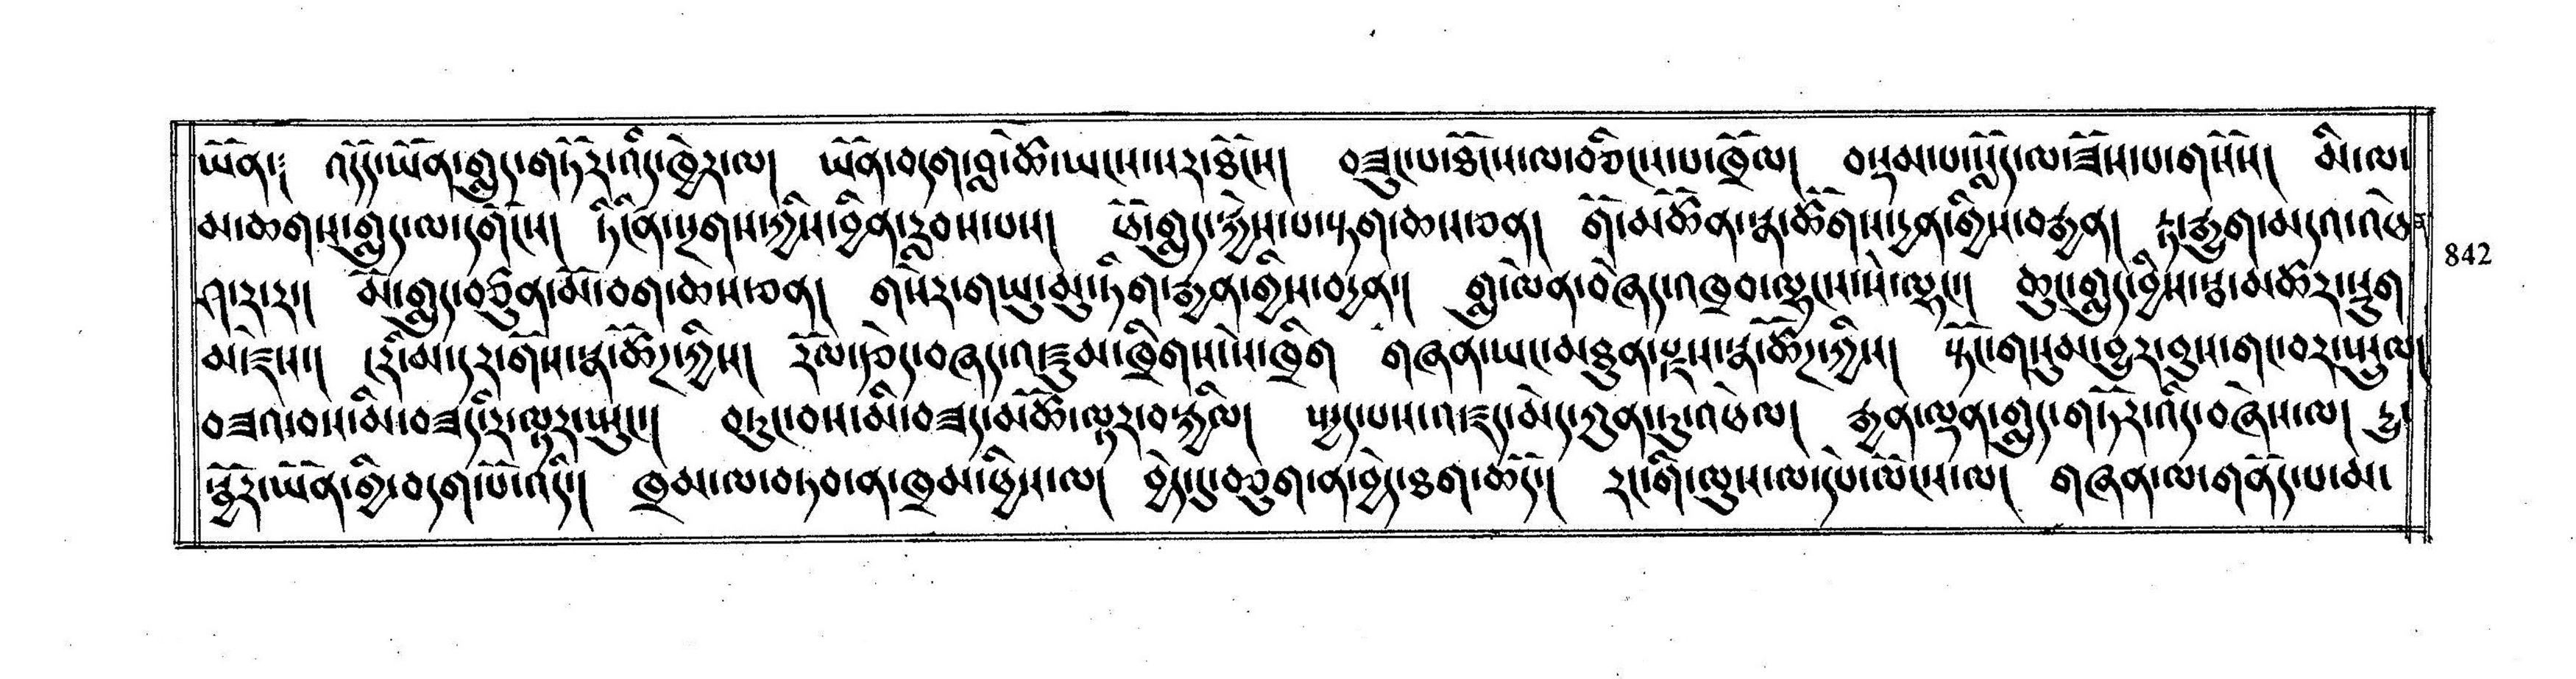ཡོན། འདོད་ཡོན་གླུད་གཏོར་འདི་ཁྱེར་ལ། ཡོན་བདག་བླ་ཚེ་ཡངས་སར་ཐོངས། བཟུང་པ་ཐོངས་ལ་བཅིངས་པ་ཁྲོལ། བསྡམ་པ་སློད་ལ་ཟོས་པ་གསོས། མི་ལ་
མ་ཆགས་གླུད་ལ་དགོངས། ཏིང་འཛིན་སྔགས་ཀྱིས་བྱིན་རླབས་པས། ཕོ་གླུད་སྐྱེས་པ་སྟག་ཆས་ཅན། གོ་མཚོན་སྣ་ཚོགས་རྒྱན་གྱིས་བརྒྱན། རྟ་རྒྱུག་མདའ་འཕེན་
ཤ་ར་ར། མོ་གླུད་བཙུན་མོ་བག་ཆས་ཅན། གསེར་གཡུ་མུ་ཏིག་རྒྱན་གྱིས་བརྒྱན། གླུ་ལེན་བཞེད་འཁྲབ་ལྷངས་སེ་ལྷང་། ཆུང་གླུད་བྱིས་སྦ་མཚར་སྡུག་
མཛེས། ངར་མི་དར་གོས་སྣ་ཚོགས་ཀྱིས། རོལ་རྩེད་བཞད་འཛུམ་ཁྲིགས་སེ་ཁྲིག གཞན་ཡང་མཐུན་རྫས་སྣ་ཚོགས་ཀྱིས། སྟོང་གསུམ་བྱུར་བུས་གང་བར་སྤྲུལ། 
བཟའ་བས་མི་བཟད་རི་ལྟར་སྤུང་། བཏུང་བས་མི་བཟད་མཚོ་ལྟར་བསྐྱིལ། སྤྱད་པས་འཛད་མེད་ཀུན་ཏུ་འཕེལ། རྒྱན་ལྡན་གླུད་གཏོར་འདི་བཞེས་ལ། རྒྱུ་
སྦྱོར་ཡོན་གྱི་བདག་པོ་འདི། ཁྲམ་ལ་བཏབ་ན་ཁྲམ་ཕྱིས་ལ། བྱེད་དུ་བཅུག་ན་བྱེད་ཐག་ཆོད། རང་གི་ལུས་ལ་དཔེ་ལོངས་ལ། གཞན་ལ་གནོད་པ་མ་